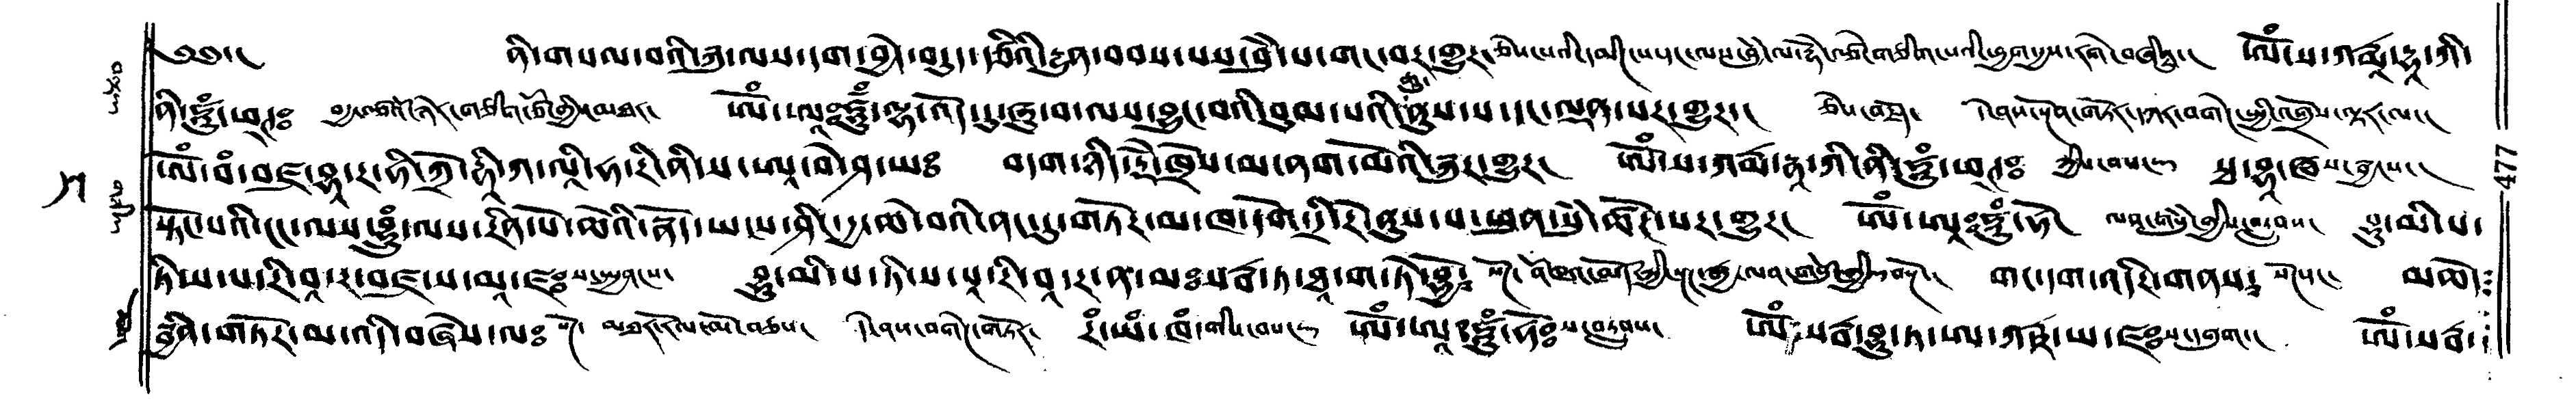ནི་གསལ་བའི་སྐུ་ལས་དག་བྱེད་བདུད་རྩིའི་རྒྱུན་བབས་པས་བུམ་པ་གང་བར་གྱུར། ཅེས་པའི་དམིགས་པ་དང་ལས་བུམ་ལ་རྡོ་རྗེ་རྩེ་གཅིག་པའི་ཕྱག་རྒྱས་རེག་བཞིན་ཏུ། ཨོཾ་ས་ཀརྨཱ་དྷཱ་ཀི་
ནི་ཧཱུྃ་ཕཊ༔ བརྒྱ་རྩའམ་ཉེར་གཅིག་ཙམ་གྱི་མཐར། ཨོཾ་ཨཱཿཧཱུྃ། ལྷ་འོད་དུ་ཞུ་བ་ལས་བྱུང་བའི་བུམ་པའི་ཆུ་ནུས་པ་དང་ལྡན་པར་གྱུར།ཅེས་བརྗོད། དེ་ནས་སྔོན་གཏོར་དཀར་བགེགས་སྤྱི་འགྲོས་ལྟར་ལ། 
ཨོཾ་བཾ་བཛྲ་བྷཱ་ར་ཧི་ཀྲོ་དྷཱི་ཀ་ལཱི་ཧ་རི་ནི་ས་ཨཱཿབེ་ཤ་ཡ༔ བདག་ཉིད་རྡོ་རྗེ་ཁྲོས་མ་ནག་མོའི་སྐུར་གྱུར། ཨོཾ་ས་ཀརྨཱ་དྷཱ་ཀི་ནི་ཧཱུྃ་ཕཊ༔ ཀྱིས་བསང་། སྭ་བྷཱ་ཝ ས་སྦྱང་། 
སྟོང་པའིངང་ལས་བྷྲཱུྃ་ལས་རིན་པོ་ཆེའི་སྣོད་ཡངས་ཤིང་རྒྱ་ཆེ་བའི་ནང་དུ་གཏོར་མ་ཁ་དོག་དྲི་རོ་ནུས་པ་ཕུན་སུམ་ཚོགས་པར་གྱུར། ཨོཾ་ཨཱཿཧཱུྃ་ཧོ༔ ལན་གསུམ་གྱིས་བརླབ། བྷུ་མི་པ་
ཏི་ས་པཱ་རི་ཝཱ་ར་བཛྲ་ས་མཱ་ཛ༔ ས་སྤྱན་དྲངས། བྷུ་མི་པ་ཏི་ས་པཱ་རི་ཝཱ་ར་ན་མཿསརྦ་ཏ་ཐཱ་ག་ཏེ་བྷྱོ༴ སོགས་ནམ་མཁའ་མཛོད་ཀྱི་སྔགས་རྒྱ་ལན་གསུམ་གྱིས་བསྔོ། གང་དག་འདིར་གནས༴ སོགས་དང་། མཆོད་
སྦྱིན་གཏོར་མ་འདི་བཞེས་ལ༴ སོགས་མཐར་རོལ་མོ་བཅས། དེ་ནས་བགེགས་གཏོར། རཾ་ཡཾ་ཁཾ་གིས་བསངས། ཨོཾ་ཨཱཿཧཱུྃ་ཧོཿ ས་བརླབ། ཨོཾ་སརྦ་བྷུ་ཏ་ཨ་ཀརྵ་ཡ་ཛཿ ས་དགུག ཨོཾ་སརྦ་